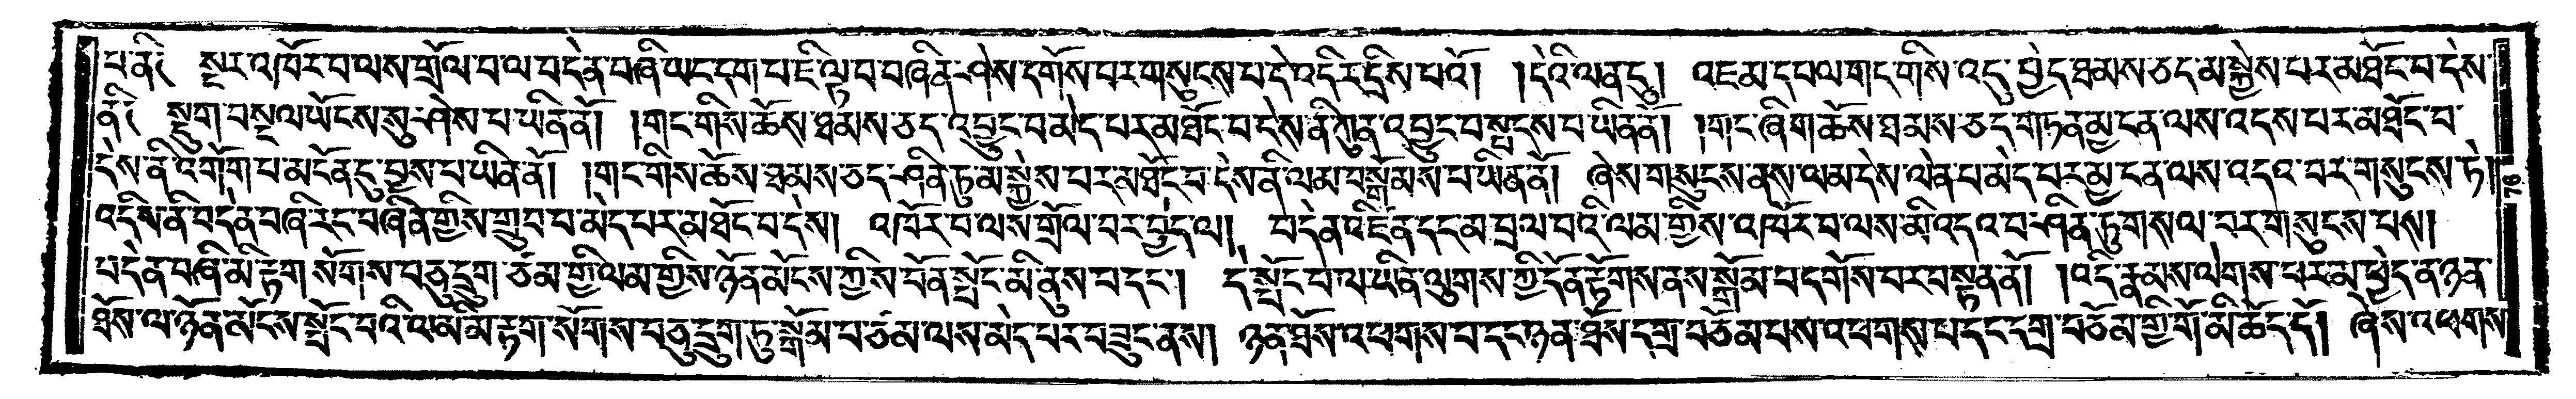པ་ནི༑ སྔར་འཁོར་བ་ལས་གྲོལ་བ་ལ་བདེན་བཞི་ཡང་དག་པ་ཇི་ལྟ་བ་བཞིན་ཤེས་དགོས་པར་གསུངས་པ་དེ་འདིར་དྲིས་པའོ། །དེའི་ལན་དུ། འཇམ་དཔལ་གང་གིས་འདུ་བྱེད་ཐམས་ཅད་མ་སྐྱེས་པར་མཐོང་བ་དེས་
ནི༑ སྡུག་བསྔལ་ཡོངས་སུ་ཤེས་པ་ཡིན་ནོ། །གང་གིས་ཆོས་ཐམས་ཅད་འབྱུང་བ་མེད་པར་མཐོང་བ་དེས་ནི་ཀུན་འབྱུང་བ་སྤངས་པ་ཡིན་ནོ། །གང་ཞིག་ཆོས་ཐམས་ཅད་གཏན་མྱ་ངན་ལས་འདས་པར་མཐོང་བ་
དེས་ནི་འགོག་པ་མངོན་དུ་བྱས་པ་ཡིན་ནོ། །གང་གིས་ཆོས་ཐམས་ཅད་ཤིན་ཏུ་མ་སྐྱེས་པར་མཐོང་བ་དེས་ནི་ལམ་བསྒོམས་པ་ཡིན་ནོ། ཞེས་གསུངས་ནས་ལམ་དེས་ལེན་པ་མེད་པར་མྱ་ངན་ལས་འདའ་བར་གསུངས་ཏེ།
འདིས་ནི་བདེན་བཞི་རང་བཞིན་གྱིས་གྲུབ་པ་མེད་པར་མཐོང་བ་དེས། འཁོར་བ་ལས་གྲོལ་བར་བྱེད་ལ། བདེན་འཛིན་དང་མ་བྲལ་བའི་ལམ་གྱིས་འཁོར་བ་ལས་མི་འདའ་བ་ཤིན་ཏུ་གསལ་བར་གསུངས་པས།
བདེན་བཞི་མི་རྟག་སོགས་བཅུ་དྲུག་ཙམ་གྱི་ལམ་གྱིས་ཉོན་མོངས་ཀྱི་ས་བོན་སྤོང་མི་ནུས་པ་དང་། དེ་སྤོང་བ་ལ་ཡིན་ལུགས་ཀྱི་དོན་རྟོགས་ནས་སྒོམ་པ་དགོས་པར་བསྟན་ནོ། །འདི་རྣམས་ལེགས་པར་མ་ཕྱེད་ན་ཉན་
ཐོས་ལ་ཉོན་མོངས་སྤོང་བའི་ལམ་མི་རྟག་སོགས་བཅུ་དྲུག་ཏུ་སྒོམ་པ་ཙམ་ལས་མེད་པར་བཟུང་ནས། ཉན་ཐོས་འཕགས་པ་དང་ཉན་ཐོས་དགྲ་བཅོམ་པས་འཕགས་པ་དང་དགྲ་བཅོམ་གྱི་གོ་མི་ཆོད་དོ། ཞེས་འཕགས་